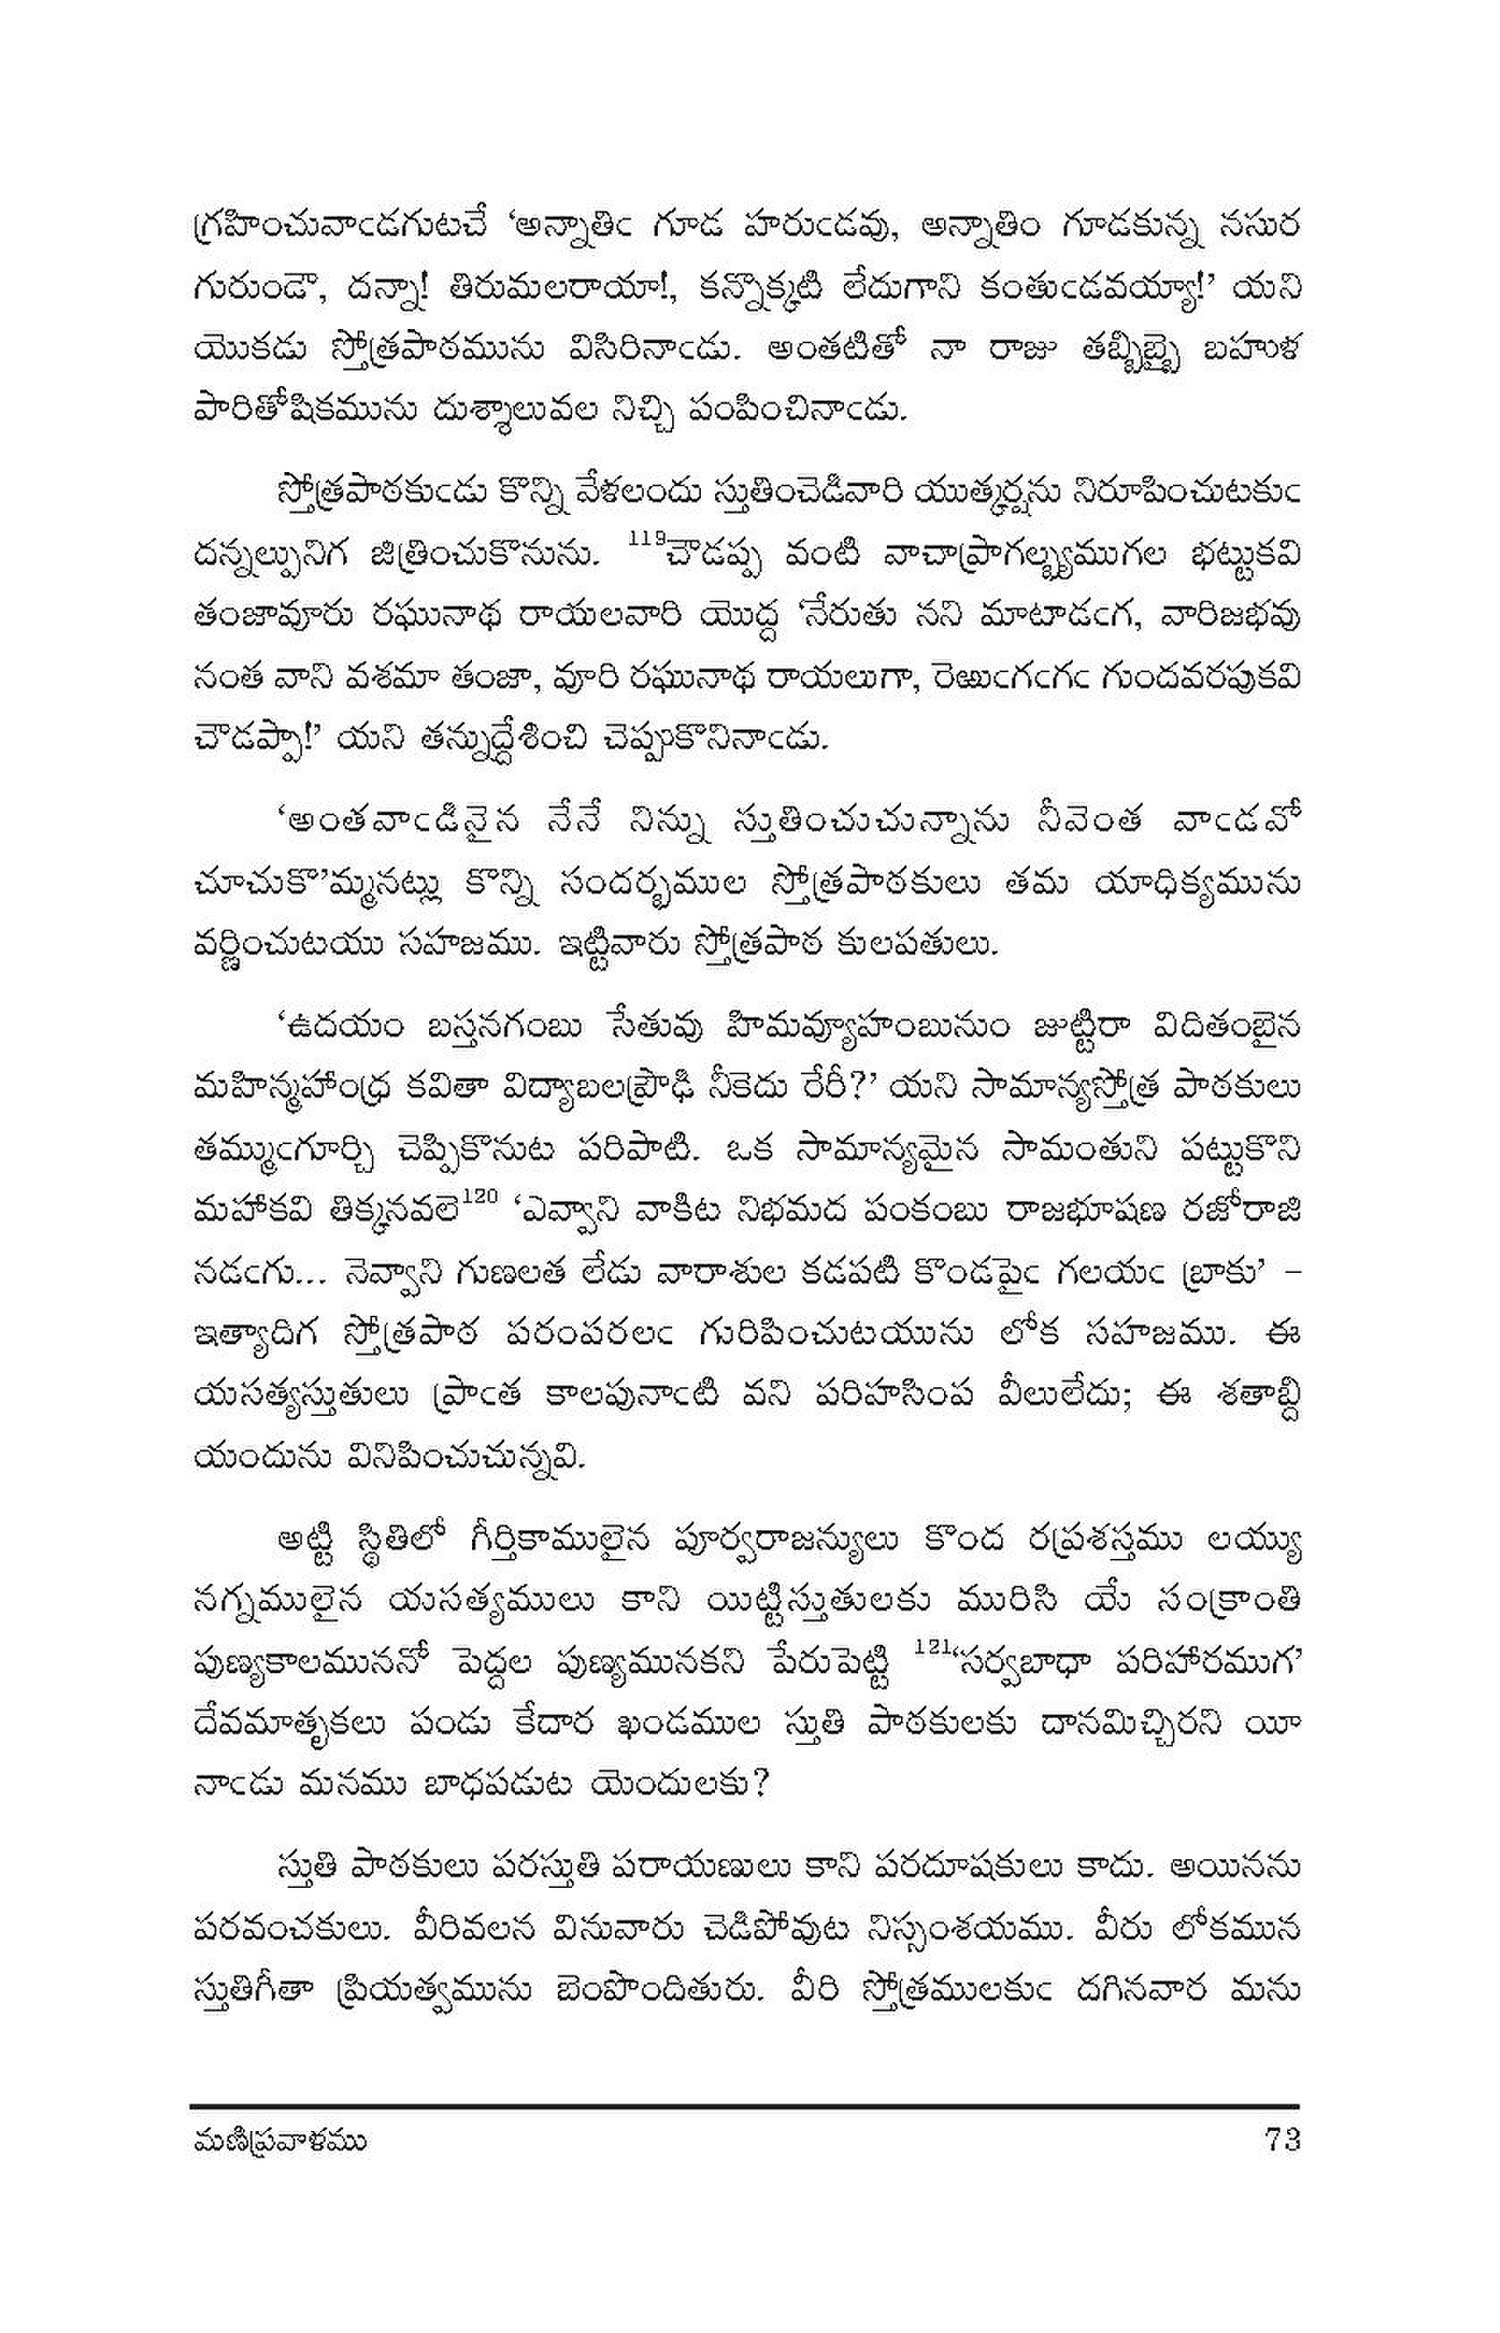గ్రహించువాఁడగుటచే 'అన్నాతిఁ గూడ హరుఁడవు, అన్నాతిం గూడకున్న నసుర గురుండౌ, దన్నా! తిరుమలరాయా!, కన్నొక్కటి లేదుగాని కంతుఁడవయ్యా!' యని యొకడు స్తోత్రపాఠమును విసిరినాఁడు. అంతటితో నా రాజు తబ్బిబ్బై బహుళ పారితోషికమును దుశ్శాలువల నిచ్చి పంపించినాఁడు.

స్తోత్రపాఠకుఁడు కొన్ని వేళలందు స్తుతించెడివారి యుత్కర్షను నిరూపించుటకుఁ దన్నల్పునిగ జీత్రించుకొనును. చౌడప్ప వంటి వాచాప్రాగల్భ్యముగల భట్టుకవి
తంజావూరు రఘునాథ రాయలవారి యొద్ద 'నేరుతు నని మాటాడఁగ, వారిజభవు నంత వాని వశమా తంజా, వూరి రఘునాథ రాయలుగా, రెఱుఁగఁగఁ గుందవరపుకవి చౌడప్పా!' యని తన్నుద్దేశించి చెప్పుకొనినాఁడు.

అంతవాడినైన 'నేనే నిన్ను స్తుతించుచున్నాను నీవెంత వాఁడవో చూచుకొ'మ్మనట్లు కొన్ని సందర్భముల స్తోత్రపాఠకులు తమ యాధిక్యమును వర్ణించుటయు సహజము. ఇట్టివారు స్తోత్రపాఠ కులపతులు.

'ఉదయం బస్తనగంబు సేతువు హిమవ్యూహంబునుం జుట్టిరా విదితంబైన మహిన్మహాంధ్ర కవితా విద్యాబలప్రౌఢ నీకెదు రేరీ?” యని సామాన్యస్తోత్ర పాఠకులు తమ్ముఁగూర్చి చెప్పికొనుట పరిపాటి. ఒక సామాన్యమైన సామంతుని పట్టుకొని మహాకవి తిక్కనవలె 'ఎవ్వాని వాకిట నిభమద పంకంబు రాజభూషణ రజోరాజి నడఁగు... నెవ్వాని గుణలత లేడు వారాశుల కడపటి కొండపైఁ గలయఁ బ్రాకు' -
ఇత్యాది స్తోత్రపాఠ పరంపరలఁ గురిపించుటయును లోక సహజము. ఈ యసత్యస్తుతులు ప్రాఁత కాలపునాఁటి వని పరిహసింప వీలులేదు; ఈ శతాబ్ది యందును వినిపించుచున్నవి.

అట్టి స్థితిలో గీర్తికాములైన పూర్వరాజన్యులు కొంద రప్రశస్తము లయ్యు నగ్నములైన యసత్యములు కాని యిట్టిస్తుతులకు మురిసి యే సంక్రాంతి పుణ్యకాలముననో పెద్దల పుణ్యమునకని పేరు పెట్టి సర్వబాధా పరిహారముగ దేవమాతృకలు పండు కేదార ఖండముల స్తుతి పాఠకులకు దానమిచ్చిరని యీనాఁడు మనము బాధపడుట యెందులకు?

స్తుతి పాఠకులు పరస్తుతి పరాయణులు కాని పరదూషకులు కాదు. అయినను పరవంచులు. వీరివలన వినువారు చెడిపోవుట నిస్సంశయము. వీరు లోకమున స్తుతిగీతా ప్రియత్వమును బెంపొందితురు. వీరి స్తోత్రములకుఁ దగినవార